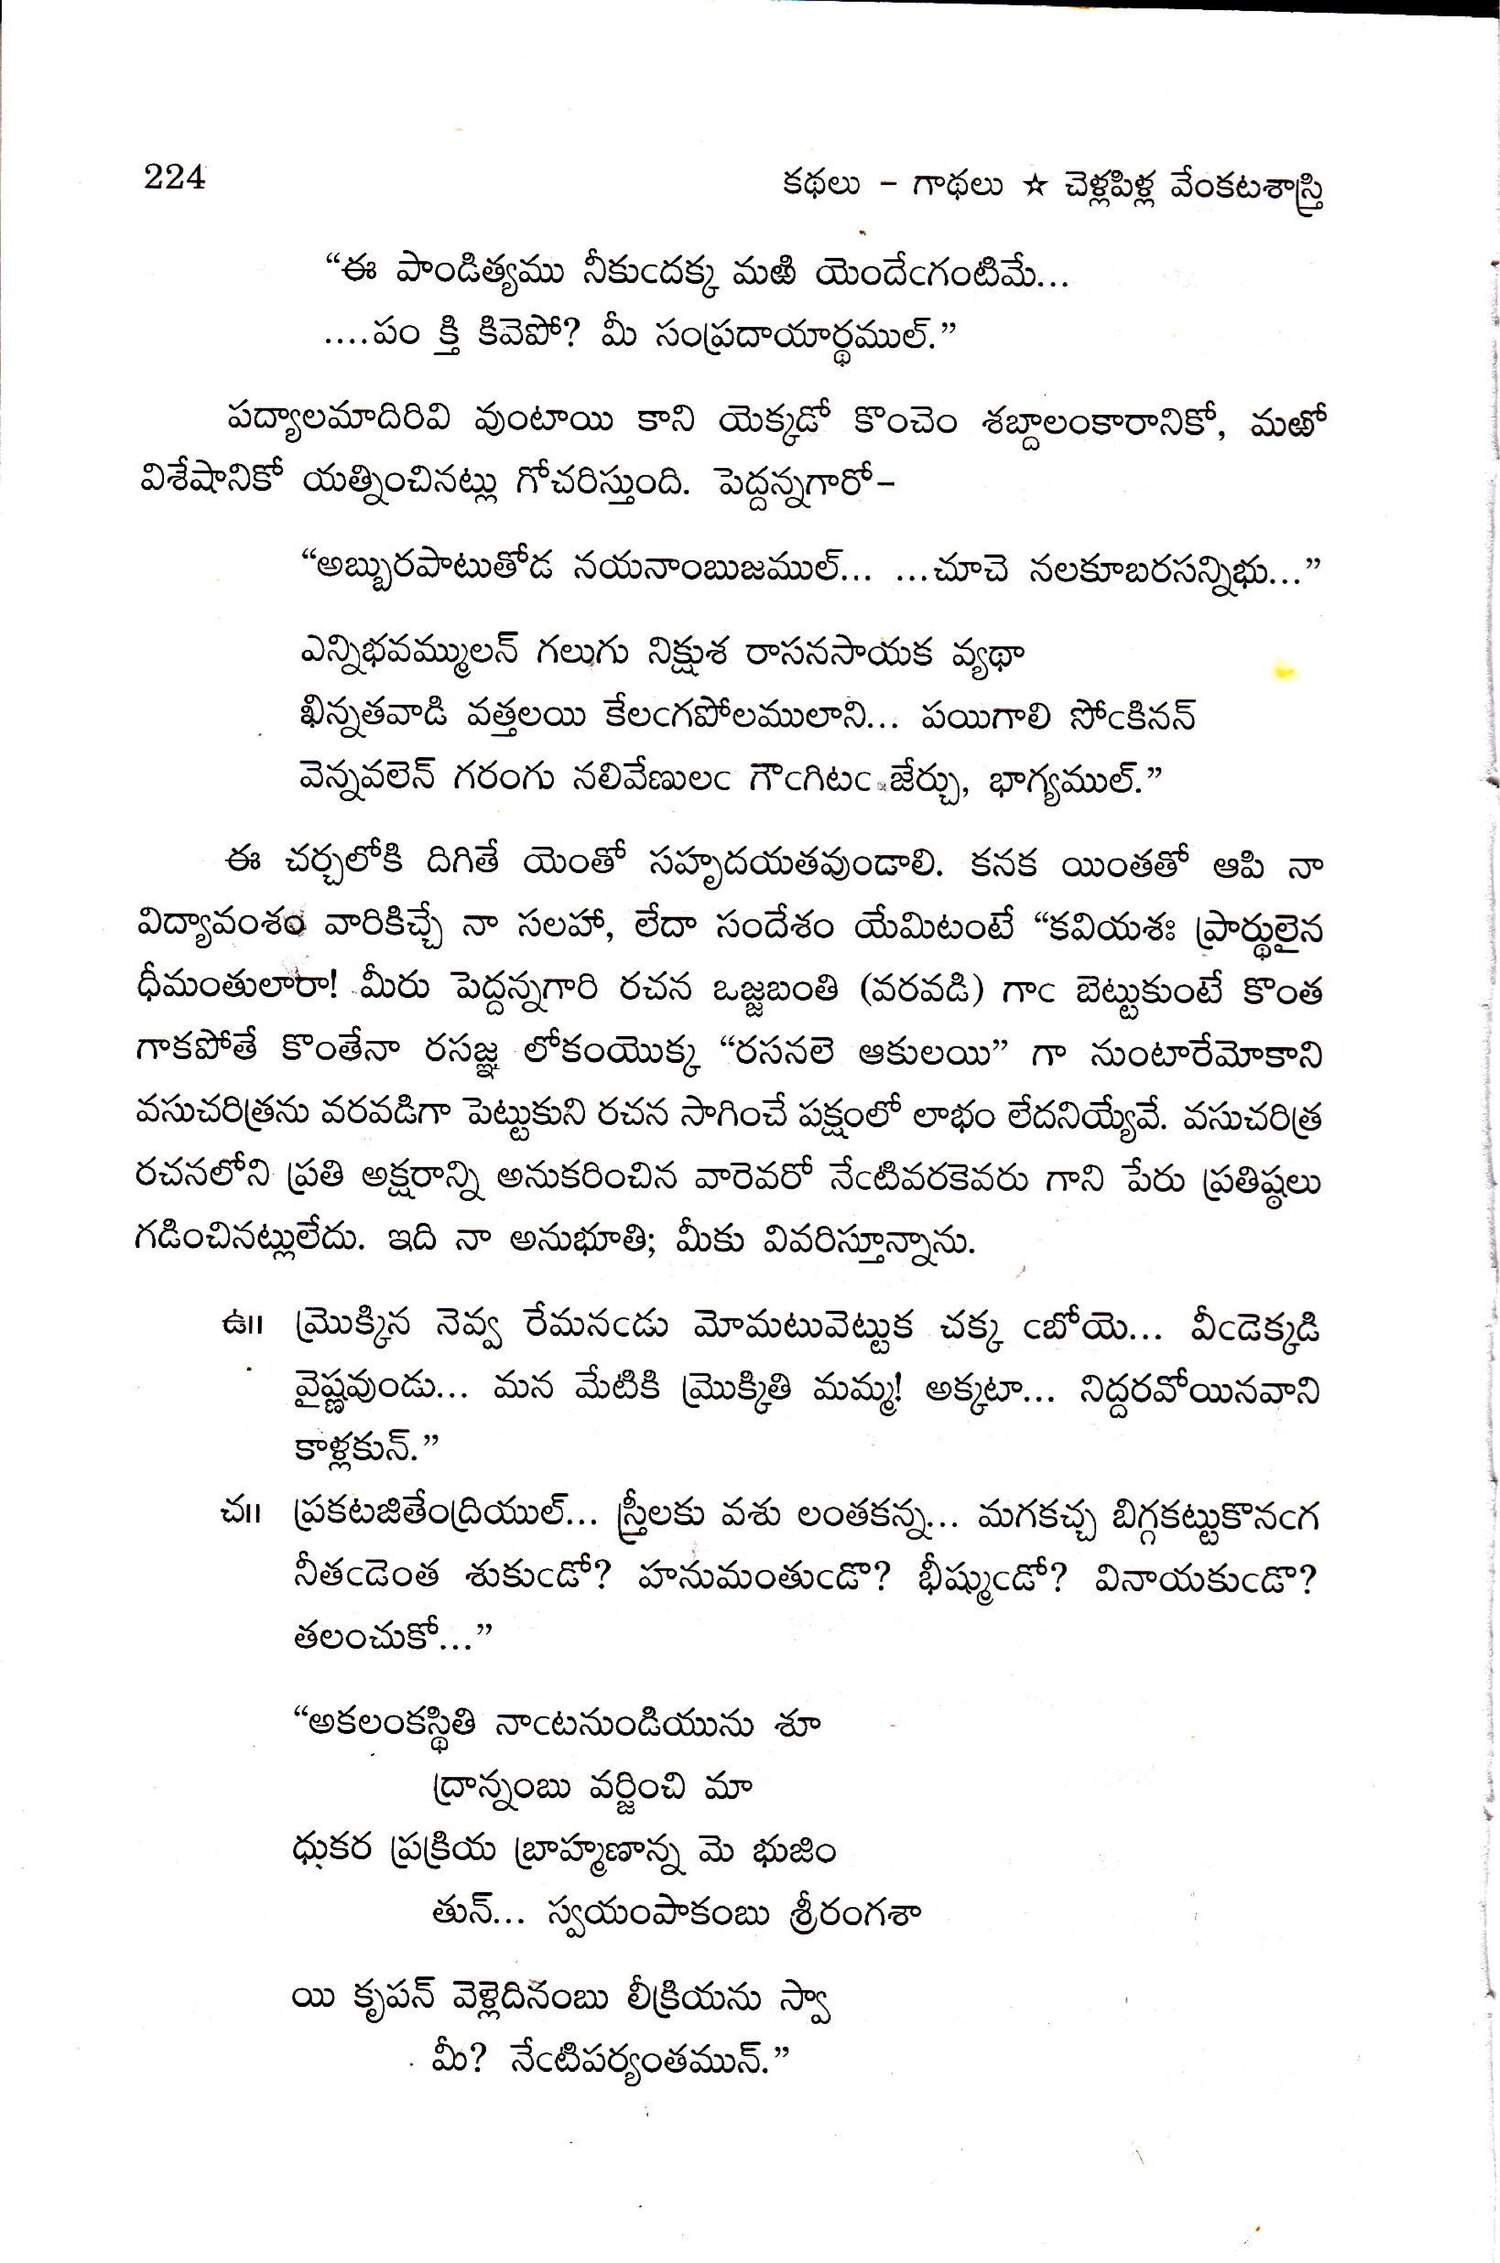“ఈ పాండిత్యము నీకుఁదక్క మఱి యెందేఁగంటిమే. .
...పం క్తి కివెపో? మీ సంప్రదాయార్థముల్."
పద్యాలమాదిరివి వుంటాయి కాని యెక్కడో కొంచెం శబ్దాలంకారానికో, మఱో విశేషానికో యత్నించినట్లు గోచరిస్తుంది. పెద్దన్నగారో

“అబ్బురపాటుతోడ నయనాంబుజముల్... ... చూచె నలకూబరసన్నిభు. ..”

ఎన్నిభవమ్ములన్ గలుగు నిక్షుశ రాసనసాయక వ్యథా 
భిన్నతవాడి వత్తలయి కేలఁగపోలములాని. పయిగాలి సోఁకినన్ 
వెన్నవలెన్ గరంగు నలివేణులఁ గౌఁగిటఁ జేర్చు, భాగ్యముల్."
ఈ చర్చలోకి దిగితే యెంతో సహృదయతవుండాలి. కనక యింతతో ఆపి నా విద్యావంశం వారికిచ్చే నా సలహా, లేదా సందేశం యేమిటంటే "కవియశః ప్రార్థులైన ధీమంతులారా! మీరు పెద్దన్నగారి రచన ఒజ్జబంతి (వరవడి) గాఁ బెట్టుకుంటే కొంత గాకపోతే కొంతేనా రసజ్ఞ లోకం యొక్క “రసనలె ఆకులయి" గా నుంటారేమోకాని వసుచరిత్రను వరవడిగా పెట్టుకుని రచన సాగించే పక్షంలో లాభం లేదనియ్యేవే. వసుచరిత్ర రచనలోని ప్రతి అక్షరాన్ని అనుకరించిన వారెవరో నేఁటివరకెవరు గాని పేరు ప్రతిష్ఠలు గడించినట్లులేదు. ఇది నా అనుభూతి; మీకు వివరిస్తూన్నాను.

ఉII మ్రొక్కిన నెవ్వ రేమనఁడు మోమటువెట్టుక చక్కఁ బోయె... వీఁడెక్కడి వైష్ణవుండు. మన మేటికి మ్రొక్కితి మమ్మ! అక్కటా... నిద్దరవోయినవాని కాళ్లకున్."

చ|| ప్రకటజితేంద్రియుల్. స్త్రీలకు వశు లంతకన్న.. మగకచ్చ బిగ్గకట్టుకొనఁగ నీతఁడెంత శుకుఁడో? హనుమంతుఁడొ? భీష్ముఁడో? వినాయకుఁడొ? తలంచుకో.”

"అకలంకస్థితి నాఁటనుండియును శూ
 ద్రాన్నంబు వర్ణించి మా
ధుకర ప్రక్రియ బ్రాహ్మణాన్న మె భుజిం
 తున్... స్వయంపాకంబు శ్రీరంగశా
యి కృపన్ వెళ్లెదినంబు లీక్రియను స్వా
 మీ? నేఁటిపర్యంతమున్."